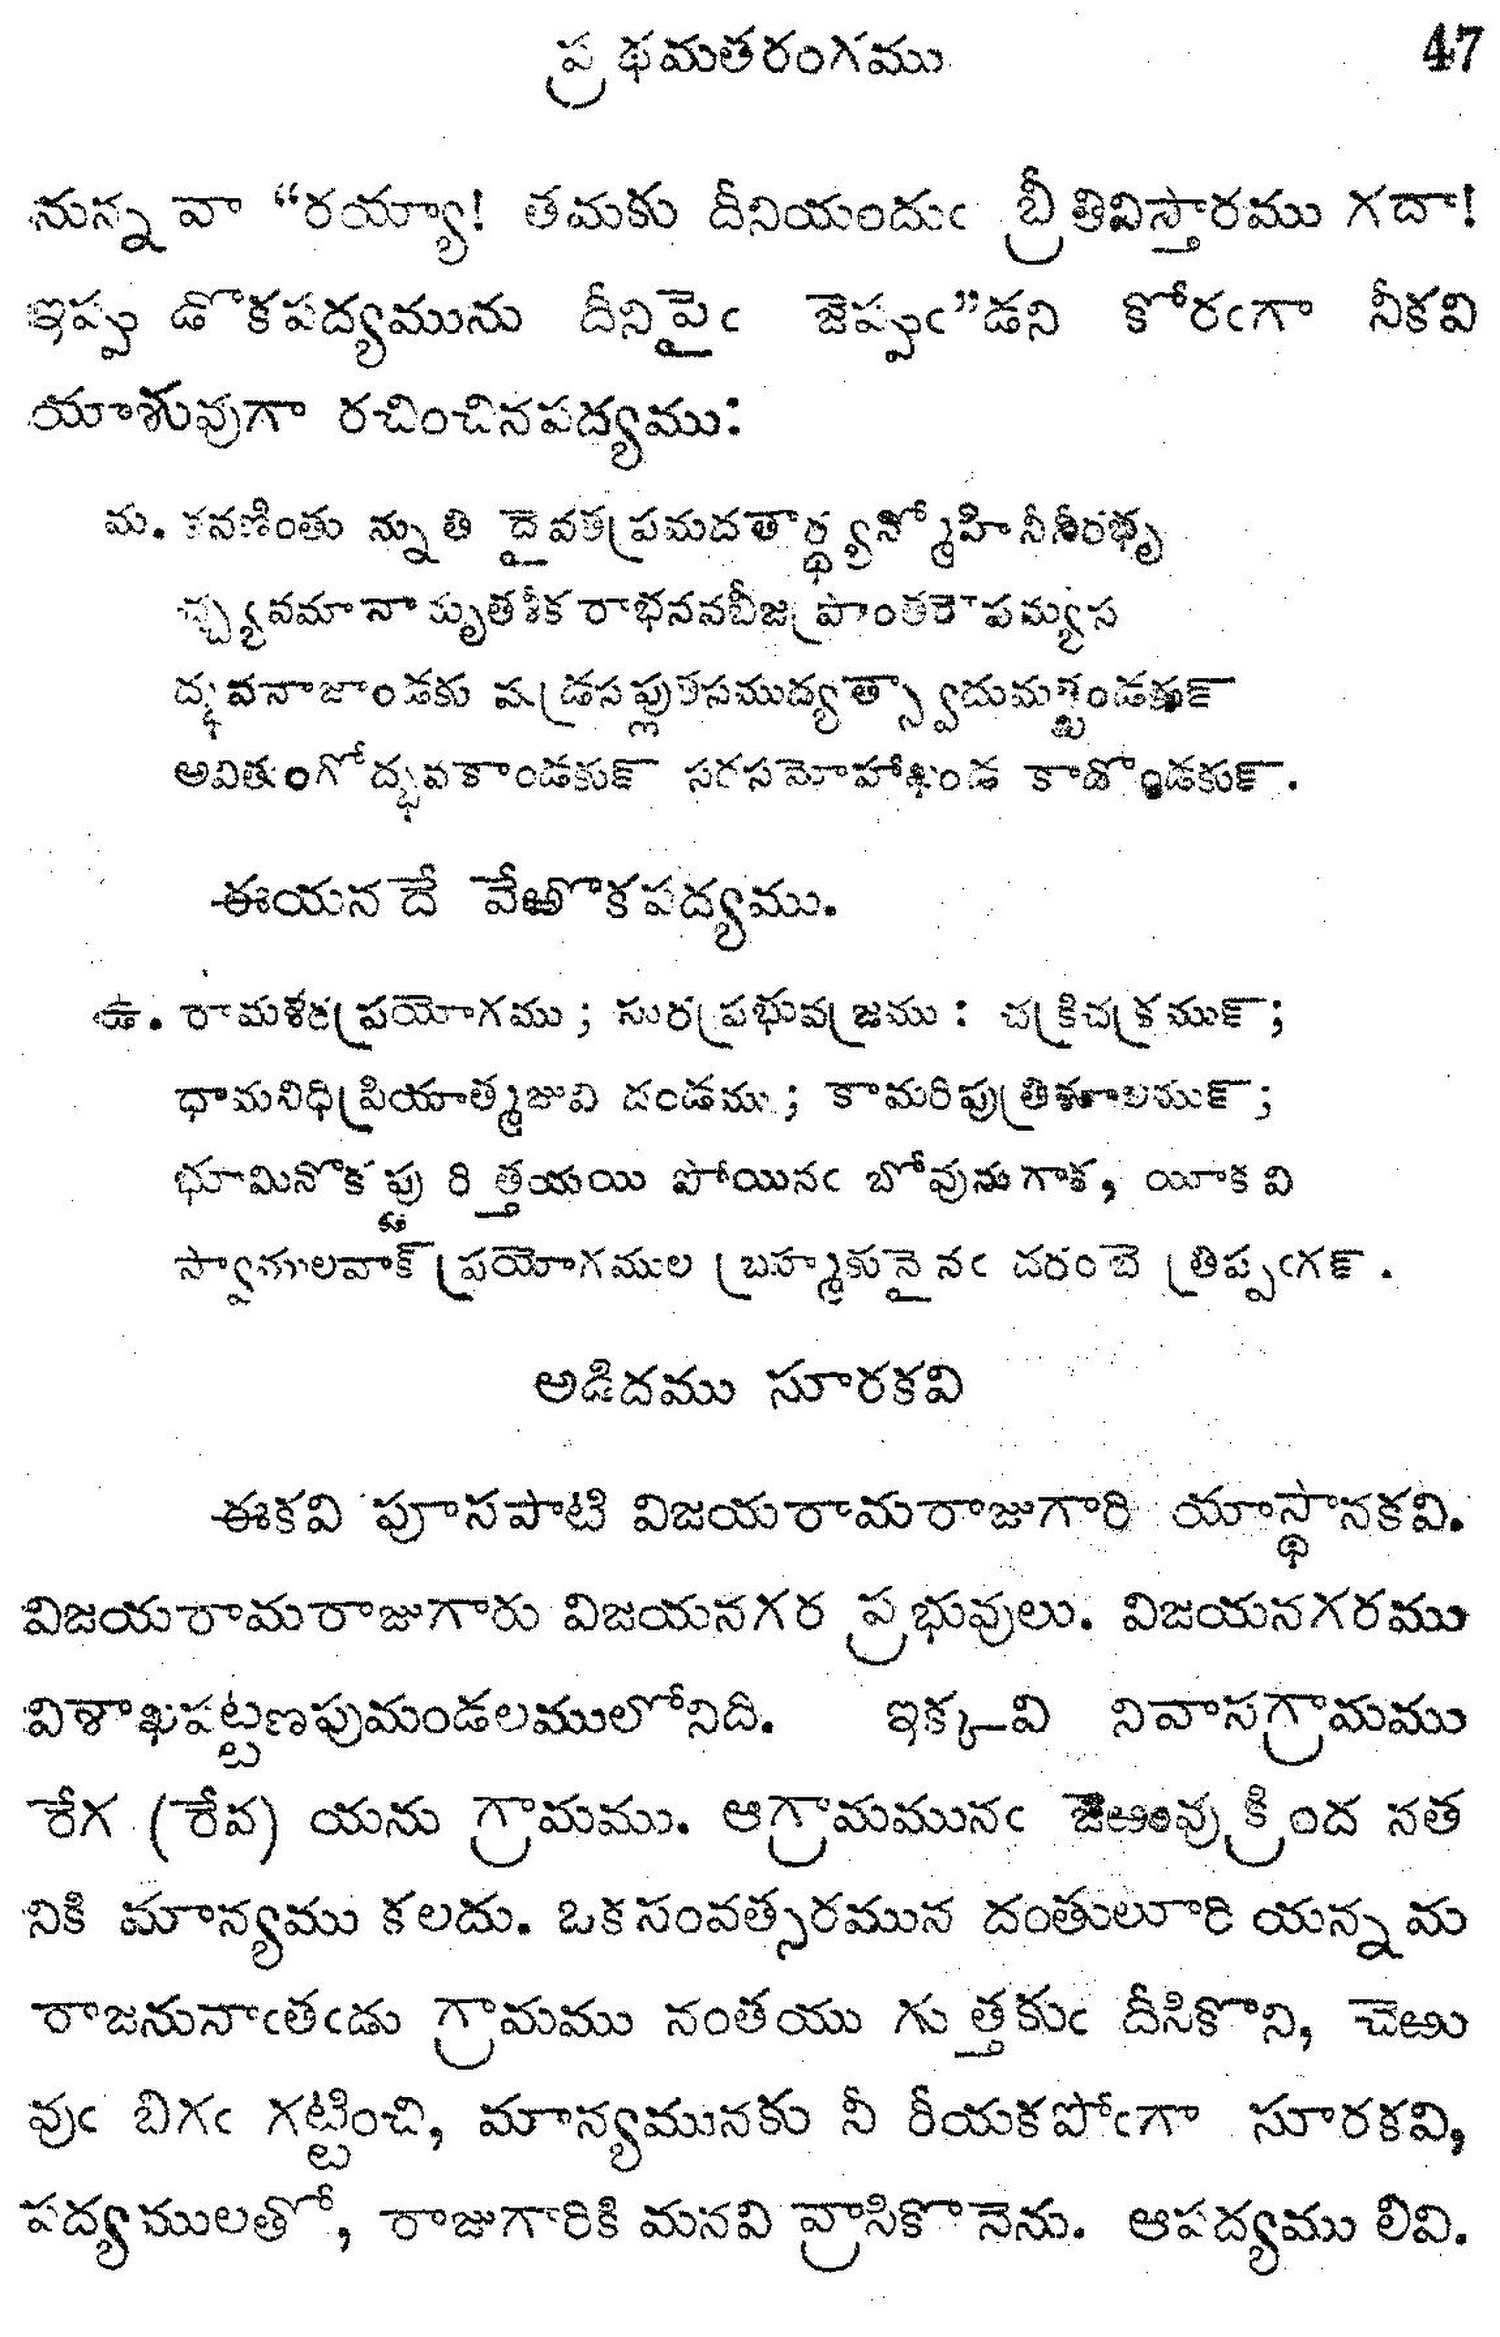నున్న వా “రయ్యా! తమకు దీనియందుఁ బ్రీతివిస్తారము గదా! ఇప్పు డొకపద్యమును దీనిపైఁ జెప్పు”డని కోరఁగా నీకవి యాశువుగా రచించిన పద్యము—
మ. ఠవణింతు న్నుతి దైవతప్రమదతార్థ్యన్మోహినీనీరభృ
 చ్చ్యవమానామృతశీకరాభనవబీజప్రాంతరౌపమ్యస
 ద్భవనాజాండకు షడ్రసప్లుతసముద్యత్స్వాదుమతఖండకున్
 అవితుంగోద్భవకాండకున్ సరసమోహాఖండ కాదొండకున్.

ఈయనదే వేఱొకపద్యము—

ఉ. రామశరప్రయోగము; సురప్రభువజ్రము; చక్రిచక్రమున్;
 ధామనిధిప్రియాత్మజువిదండము; కామరిపుత్రిశూలమున్;
 భూమినొకప్డు రిత్తయయి పోయినఁ బోవునుగాక, యీకవి
 స్వాములవాక్ ప్రయోగముల బ్రహ్మకునైనఁ దరంబె త్రిప్పఁగన్.

ఈకవి పూసపాటివిజయరామరాజుగారి యాస్థానకవి. విజయరామరాజుగారు విజయనగర ప్రభువులు. విజయనగరము విశాఖపట్టణపుమండలములోనిది. ఇక్కవి నివాసగ్రామము రేగ (రేవ) యను గ్రామము. ఆగ్రామమునఁ జెఱువుక్రింద నతనికి మాన్యము కలదు. ఒకసంవత్సరమున దంతులూరి యన్నమరాజనునాఁతఁడు గ్రామము నంతయు గుత్తకుఁ దీసికొని, చెఱువుఁ బిగఁ గట్టించి, మాన్యమునకు నీ రీయకపోఁగా సూరకవి పద్యములతో రాజుగారికి మనవి వ్రాసికొనెను. ఆపద్యము లివి.